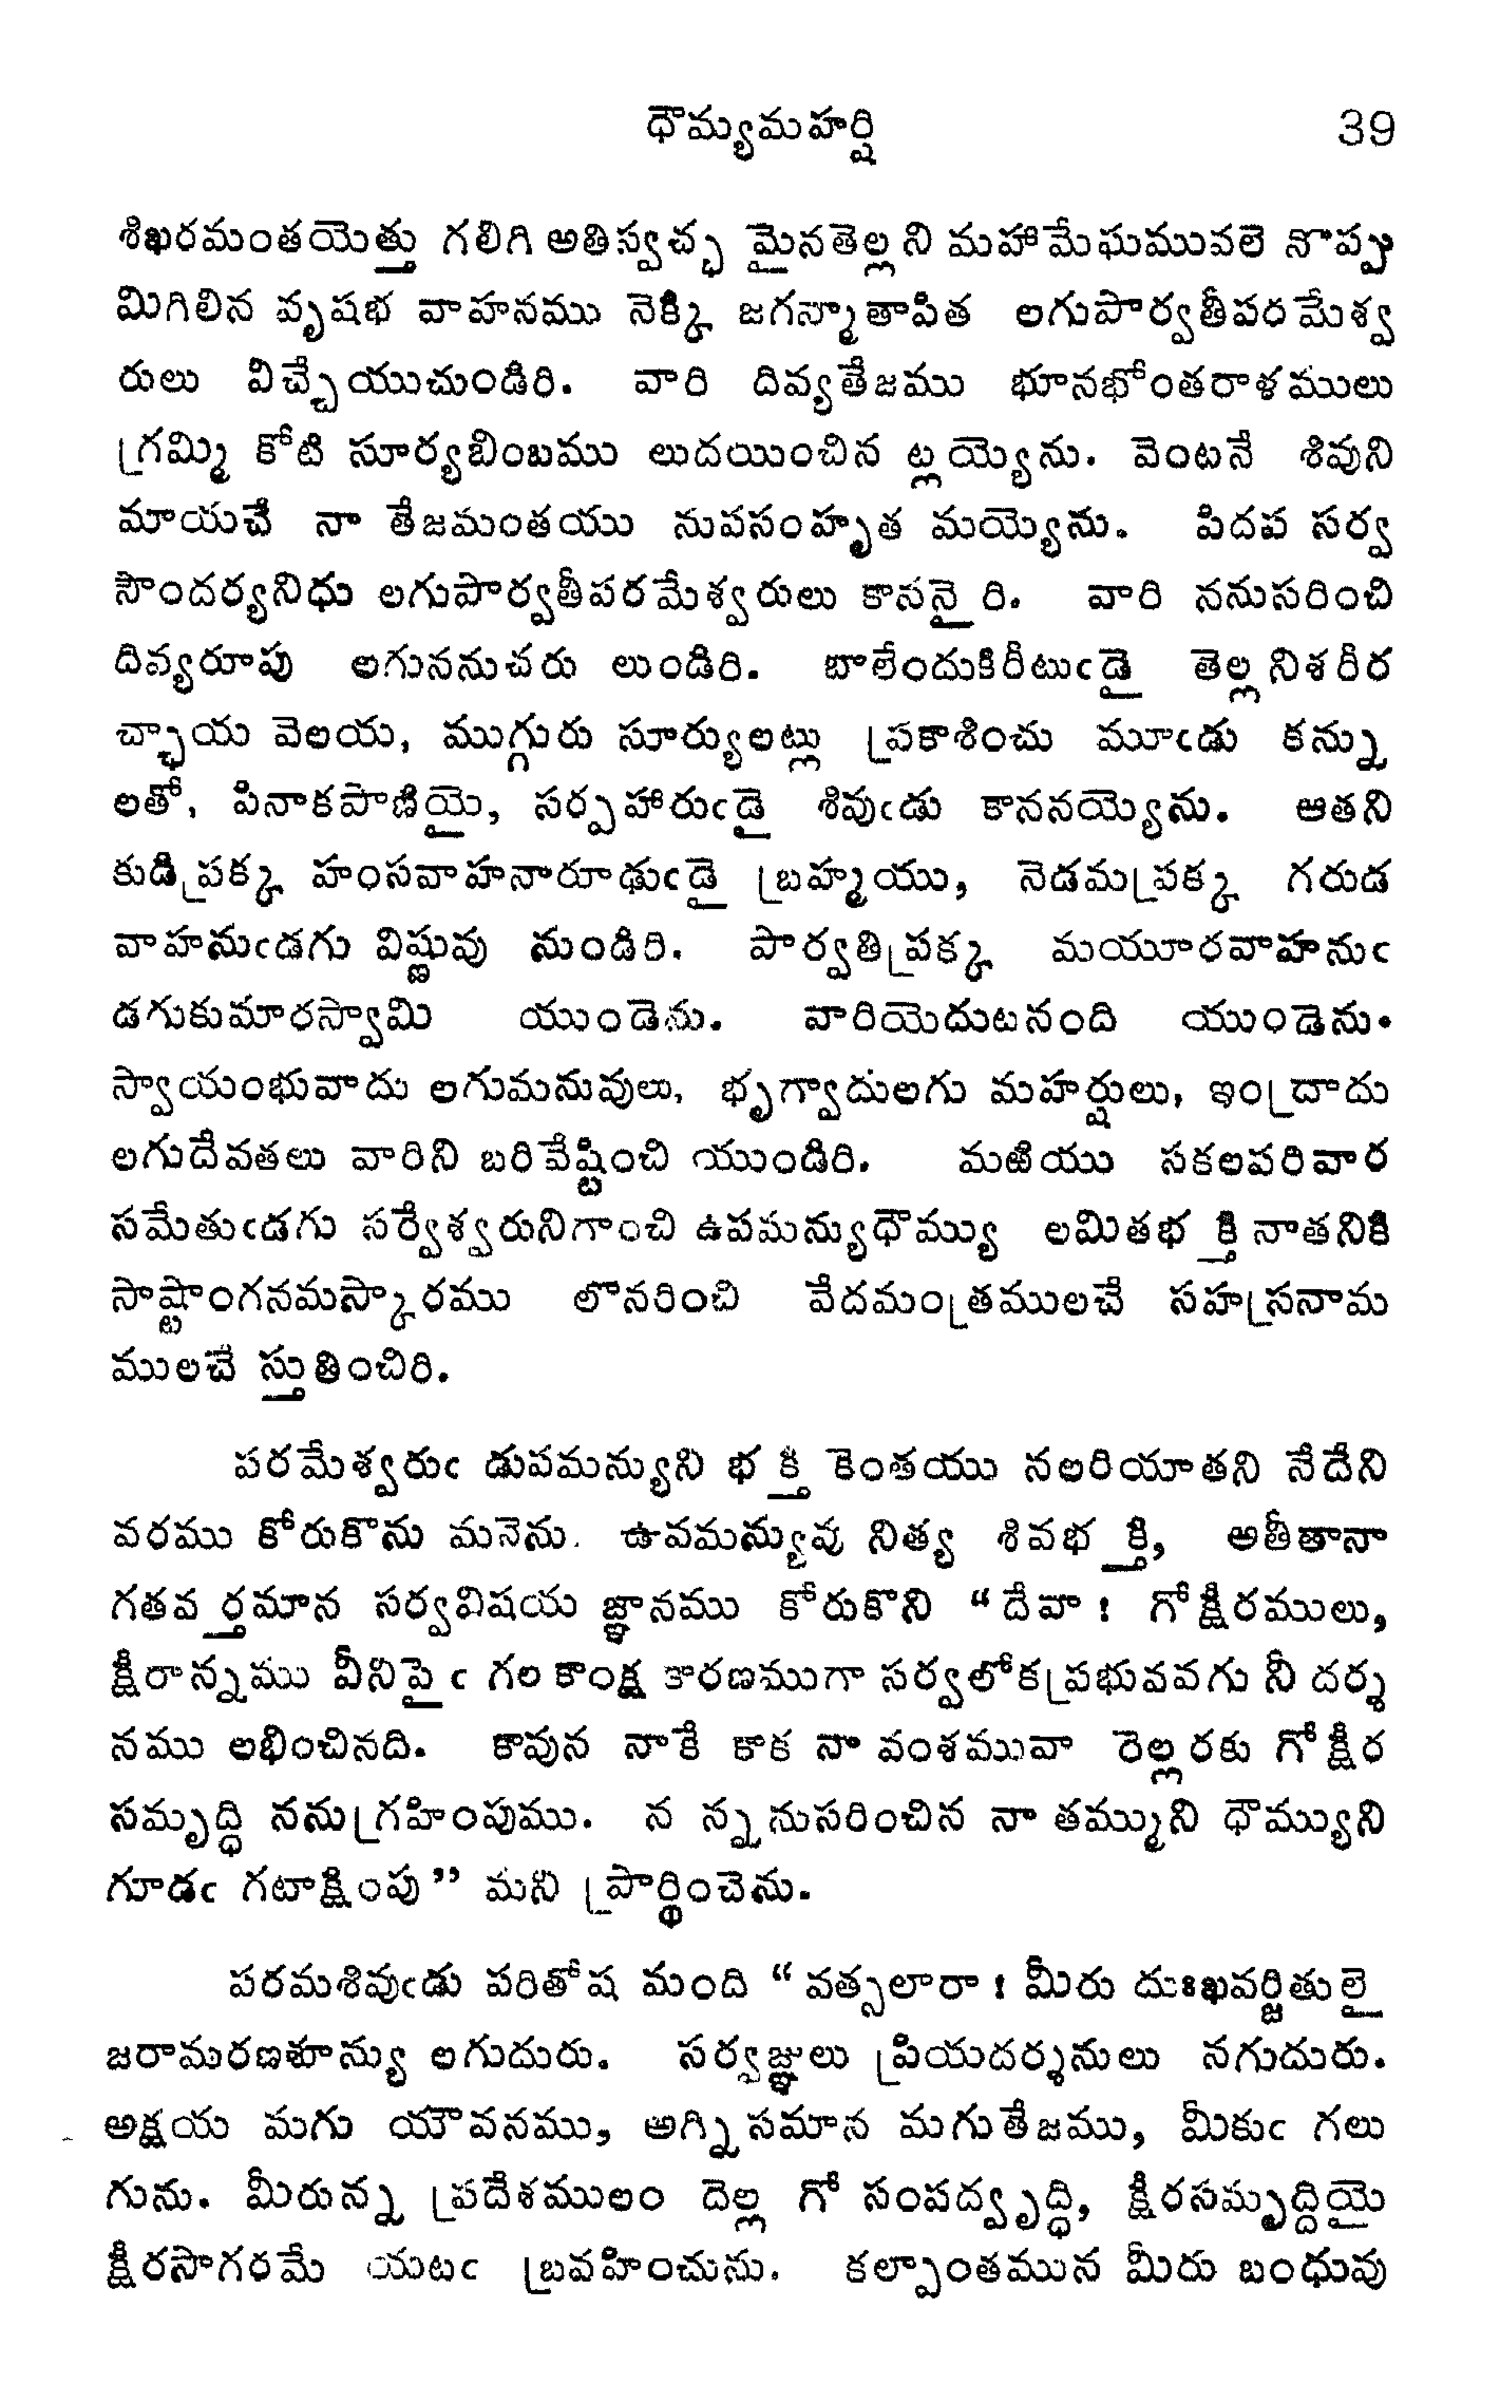శిఖరమంతయెత్తు గలిగి అతిస్వచ్చ మైనతెల్లని మహామేఘమువలె నొప్పు మిగిలిన వృషభ వాహనము నెక్కి జగన్మాతాపిత లగుపార్వతీపరమేశ్వరులు విచ్చేయుచుండిరి. వారి దివ్యతేజము భూనభోంతరాళములు గ్రమ్మి కోటి సూర్యబింబము లుదయించిన ట్లయ్యెను. వెంటనే శివుని మాయచే నా తేజమంతయు నుపసంహృత మయ్యెను. పిదప సర్వసౌందర్యనిధు లగుపార్వతీపరమేశ్వరులు కాననై రి. వారి ననుసరించి దివ్యరూపు లగుననుచరు లుండిరి. బాలేందుకిరీటుఁడై తెల్లనిశరీర చ్చాయ వెలయ, ముగ్గురు సూర్యులట్లు ప్రకాశించు మూఁడు కన్నులతో, పినాకపాణియై, సర్పహారుఁడై శివుఁడు కాననయ్యెను. అతని కుడిప్రక్క హంసవాహనారూఢుఁడై బ్రహ్మయు, నెడమప్రక్క గరుడ వాహనుఁడగు విష్ణువు నుండిరి. పార్వతిప్రక్క మయూరవాహనుఁ డగుకుమారస్వామి యుండెను. వారియెదుటనంది యుండెను. స్వాయంభువాదు లగుమనువులు, భృగ్వాదులగు మహర్షులు, ఇంద్రాదు లగుదేవతలు వారిని బరివేష్టించి యుండిరి. మఱియు సకలపరివార సమేతుఁడగు సర్వేశ్వరునిగాంచి ఉపమన్యుధౌమ్యు లమితభక్తి నాతనికి సాష్టాంగ నమస్కారము లొనరించి వేదమంత్రములచే సహస్రనామములచే స్తుతించిరి.

పరమేశ్వరుఁ డుపమన్యుని భక్తి కెంతయు నలరియాతని నేదేని వరము కోరుకొను మనెను. ఉవమన్యువు నిత్య శివభక్తి, అతీతానా గతవర్తమాన సర్వవిషయ జ్ఞానము కోరుకొని "ఓ దేవా! గోక్షీరములు, క్షీరాన్నము వీనిపైఁ గల కాంక్ష కారణముగా సర్వలోకప్రభువవగు నీ దర్శనము లభించినది. కావున నాకే కాక నా వంశమువా రెల్లరకు గోక్షీర సమృద్ధి ననుగ్రహింపుము. న న్ననుసరించిన నా తమ్ముని ధౌమ్యుని గూడఁ గటాక్షింపు” మని ప్రార్థించెను.

పరమశివుఁడు పరితోష మంది " వత్సలారా ! మీరు దుఃఖవర్జితులై జరామరణశూన్యు లగుదురు. సర్వజ్ఞులు ప్రియదర్శనులు నగుదురు. అక్షయ మగు యౌవనము, అగ్ని సమాన మగు తేజము, మీకుఁ గలుగును. మీరున్న ప్రదేశములం దెల్ల గో సంపద్వృద్ధి, క్షీరసమృద్ధియై క్షీరసాగరమే యటఁ బ్రవహించును. కల్పాంతమున మీరు బంధువు